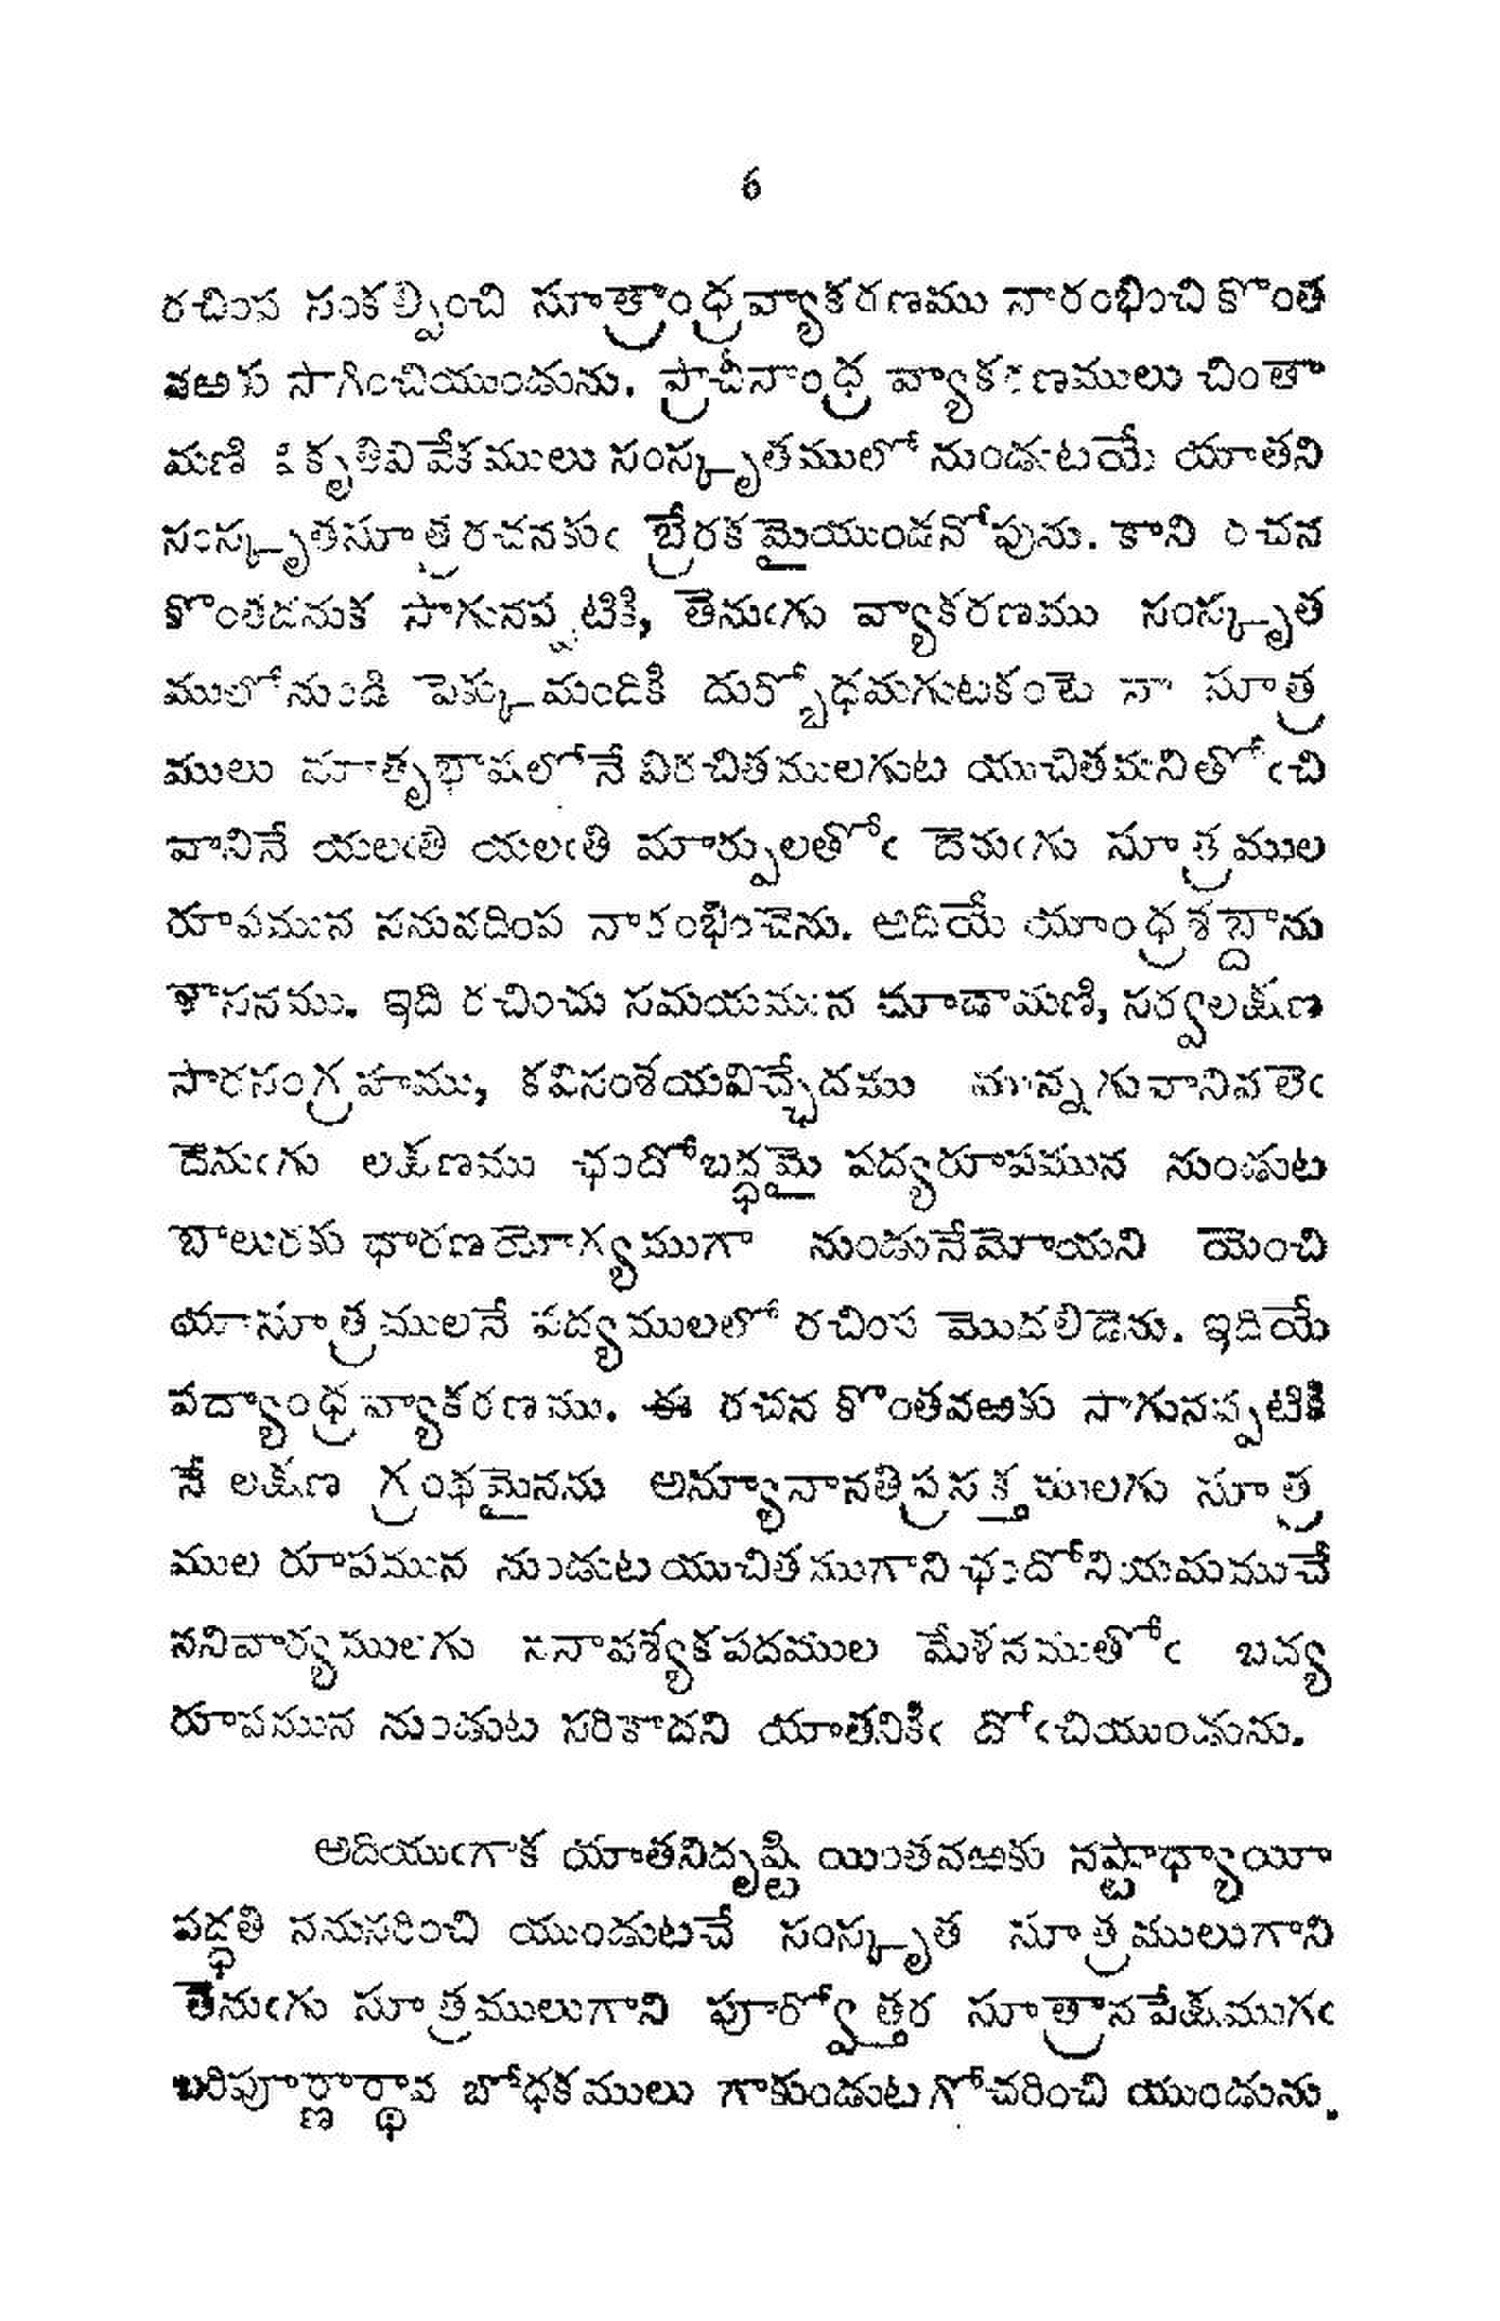రచింప సకల్పించి సూత్రాంధ్రవ్యాకరణము నారంభించి కొంతవఱకు సాగించియుండును. ప్రాచీనాంధ్ర వ్యాకరణములు చింతామణి వికృతివివేకములు సంస్కృతములో నుండటయే యాతని సంస్కృతసూత్రరచనకుఁ బ్రేరకమైయుండనోపును. కాని రచన కొంతదనుక సాగునప్పటికి, తెనుఁగు వ్యాకరణము సంస్కృతములో నుండి పెక్కుమందికి దుర్బోధమగుటకంటె నా సూత్రములు మాతృభాషలోనే విరచితములగుట యుచితమనితోఁచి వానినే యలఁతి యలఁతి మార్పులతోఁ దెనుఁగు సూత్రముల రూపమున ననువదింప నారంభించెను. అదియే యాంధ్రశబ్దాను శాసనము. ఇది రచించు సమయమున చూడామణి, సర్వలక్షణ సారసంగ్రహము, కవిసంశయవిచ్చేదము మున్నగువానివలెఁ దెనుఁగు లక్షణము ఛందోబద్దమై పద్వరూపమున నుండుట బాలురకు ధారణయోగ్యముగా నుండునేమోయని యెంచి యాసూత్రములనే పద్యములలో రచింప మొదలిడెను. ఇదియే వద్యాంధ్ర వ్యాకరణము. ఈ రచన కొంతవఱకు సాగునప్పటికి నే లక్షణ గ్రంథమైనను అన్యూనానతిప్రసక్తములగు సూత్రముల రూపమున నుండుట యుచితముగాని ఛందోనియమముచే ననివార్యములగు ననావశ్యకపదముల మేళనముతోఁ బద్య రూపమున నుండుట సరికాదని యాతనికిఁ దోఁచియుండును.

అదియుఁగాక యాతనిదృష్టి యింతవఱకు సష్టాధ్యాయీ పద్ధతి సనుసరించి యుండుటచే సంస్కృత సూత్రములుగాని తెనుఁగు సూత్రములుగాని పూర్వోత్తర సూత్రానపేక్షముగఁ బరిపూర్ణార్థావ బోధకములు గాకుండుట గోచరించి యుండును.